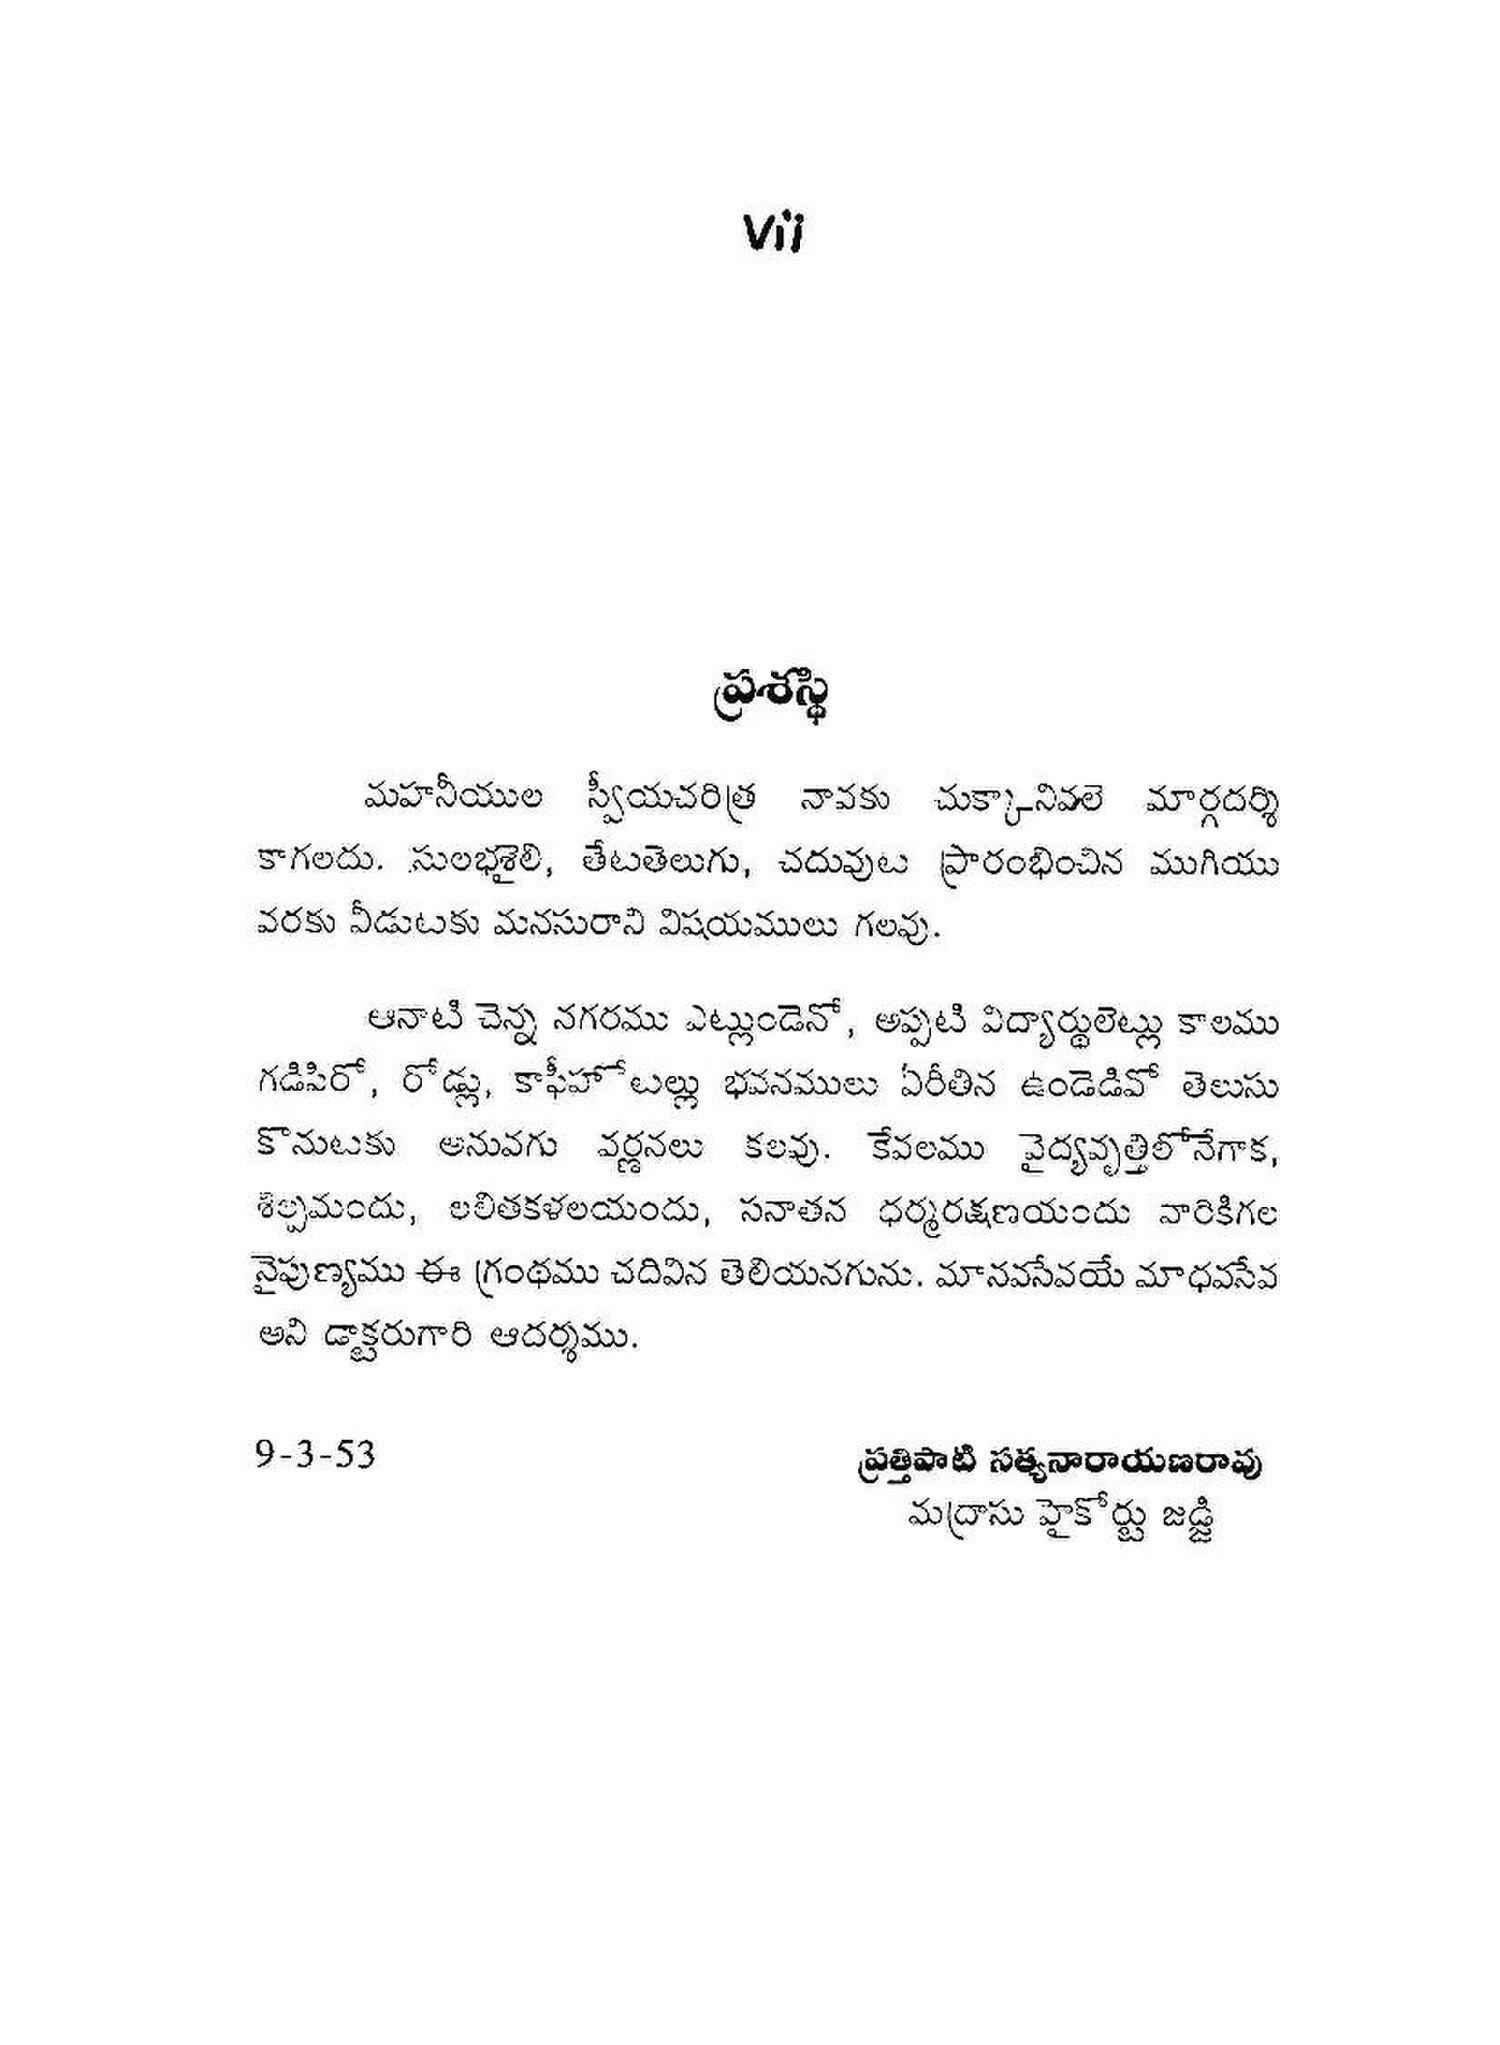మహనీయుల స్వీయచరిత్ర నావకు చుక్కానివలె మార్గదర్శి కాగలదు. సులభశైలి, తేటతెలుగు, చదువుట ప్రారంభించిన ముగియు వరకు వీడుటకు మనసురాని విషయములు గలవు.

ఆనాటి చెన్న నగరము ఎట్లుండెనో, అప్పటి విద్యార్థులెట్లు కాలము గడిపిరో, రోడ్లు, కాఫీహోటల్లు భవనములు ఏరీతిన ఉండెడివో తెలుసు కొనుటకు అనువగు వర్ణనలు కలవు. కేవలము వైద్యవృత్తిలోనేగాక, శిల్పమందు, లలితకళలయందు, సనాతన ధర్మరక్షణయందు వారికిగల నైపుణ్యము ఈ గ్రంథము చదివిన తెలియనగును. మానవసేవయే మాధవసేవ అని డాక్టరుగారి ఆదర్శము.